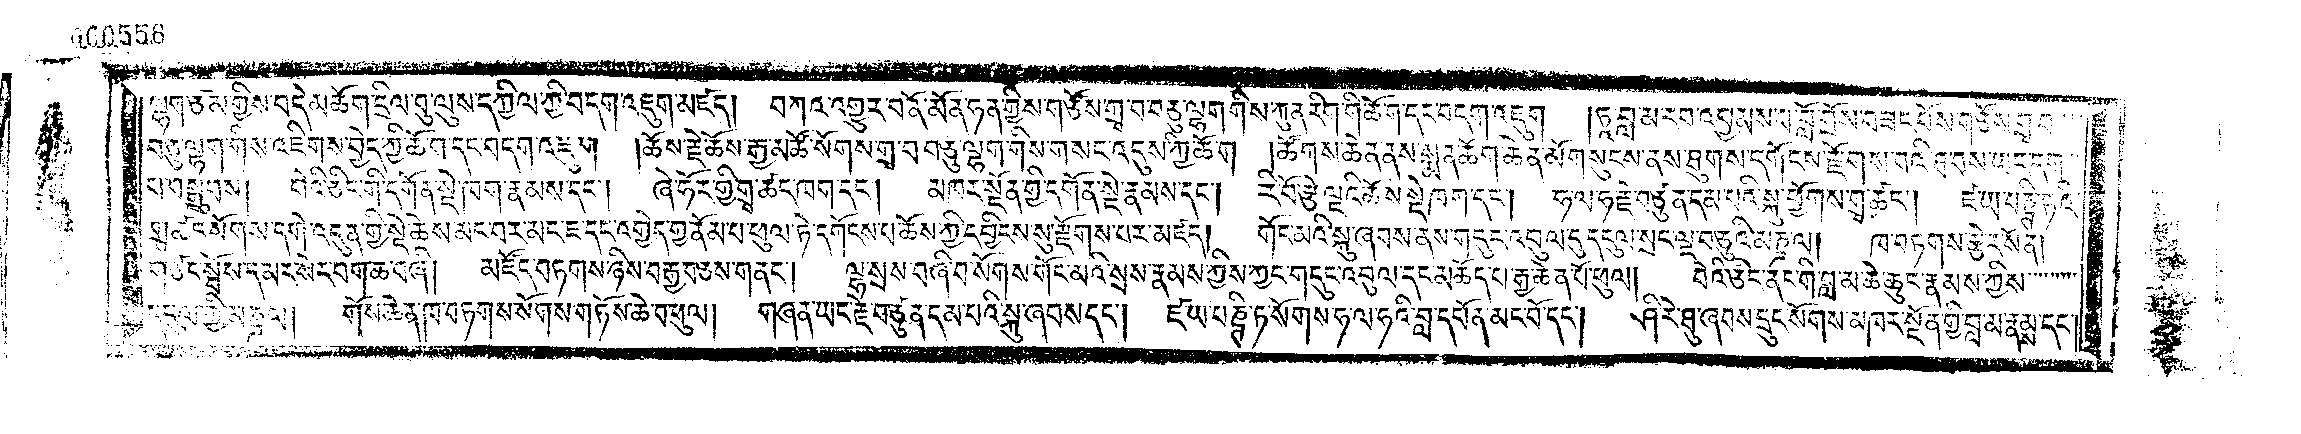ལྷག་ཙམ་གྱིས་བདེ་མཆོག་དྲིལ་བུ་ལུས་དཀྱིལ་ཀྱི་བདག་འཇུག་མཛད། བཀའ་འགྱུར་བ་ནོ་མོན་ཧན་གྱིས་གཙོས་གྲྭ་པ་བཅུ་ལྷག་གིས་ཀུན་རིག་གི་ཆོ་ག་དང་བདག་འཇུག །ཏཱ་བླ་མ་རབ་འབྱམས་པ་བློ་གྲོས་བཟང་པོས་གཙོས་གྲྭ་བ་
བཅུ་ལྷག་གིས་འཇིགས་བྱེད་ཀྱི་ཆོག་དང་བདག་འཇུག །ཆོས་རྗེ་ཆོས་རྒྱ་མཚོ་སོགས་གྲྭ་པ་བཅུ་ལྷག་གིས་གསང་འདུས་ཀྱྀ་ཆོག །ཚོགས་ཆེན་ནས་སྨན་ཆོག་ཆེན་མོ་གསུངས་ནས་ཐུགས་དགོངས་རྫོགས་པའི་ཐབས་ཡང་དག་
བ་བསྒྲུབས། པེའི་ཅིང་གི་དགོན་སྡེ་ཁག་རྣམས་དང་། ཞེ་ཧོར་གྱི་གྲྭ་ཚང་ཁག་དང་། མཁར་སྔོན་གྱི་དགོན་སྡེ་རྣམས་དང་། རི་བོ་རྩེ་ལྔའི་ཆོས་སྡེ་ཁག་དང་། ཧལ་ཧ་རྗེ་བཙུན་དམ་པའི་སྐུ་ཕྱོགས་གྲྭ་ཚང་། ཛ་ཡ་པཎྜི་ཏའི་
གྲྭ་ཚང་སོགས་དགེ་འདུན་གྱི་སྡེ་ཆེས་མང་བར་མང་ཇ་དང་འགྱེད་གྱ་ནོམ་པ་ཕུལ་ཏེ་དགོངས་པ་ཆོས་ཀྱི་དབྱིངས་སུ་རྫོགས་པར་མཛད། གོང་མའི་སྐུ་ཞབས་ནས་གདུང་འབུལ་དུ་དངུལ་སྲད་ལྔ་བཅུའི་མཎྜལ། ཁ་བཏགས་རྩེར་སོན།
གཙང་སྤོས་དམར་སེར་བག་ཆ་བཞི། མཛོད་བཏགས་ཉིས་བརྒྱ་བཅས་གནང་། ལྷ་སྲས་བཞི་བ་སོགས་གོང་མའི་སྲས་རྣམས་ཀྱིས་ཀྱང་གདུང་འབུལ་དང་མཆོད་པ་རྒྱ་ཆེན་པོ་ཕུལ། བེའི་ཅིང་ནང་གི་བླ་མ་ཆེ་ཆུང་རྣམས་ཀྱིས་
དངུལ་གྱི་མཎྜལ། གོས་ཆེན་ཁ་བཏགས་སོགས་གཏོས་ཆེ་བ་ཕུལ། གཞན་ཡང་རྗེ་བཙུན་དམ་པའི་སྐུ་ཞབས་དང་། ཛ་ཡ་པཎྜི་ཏ་སོགས་ཧལ་ཧའི་བླ་དཔོན་མང་པོ་དང་། ཤི་རེ་ཐུ་ཞབས་དྲུང་སོགས་མཁར་སྔོན་གྱི་བླ་མ་རྣམས་དང་།